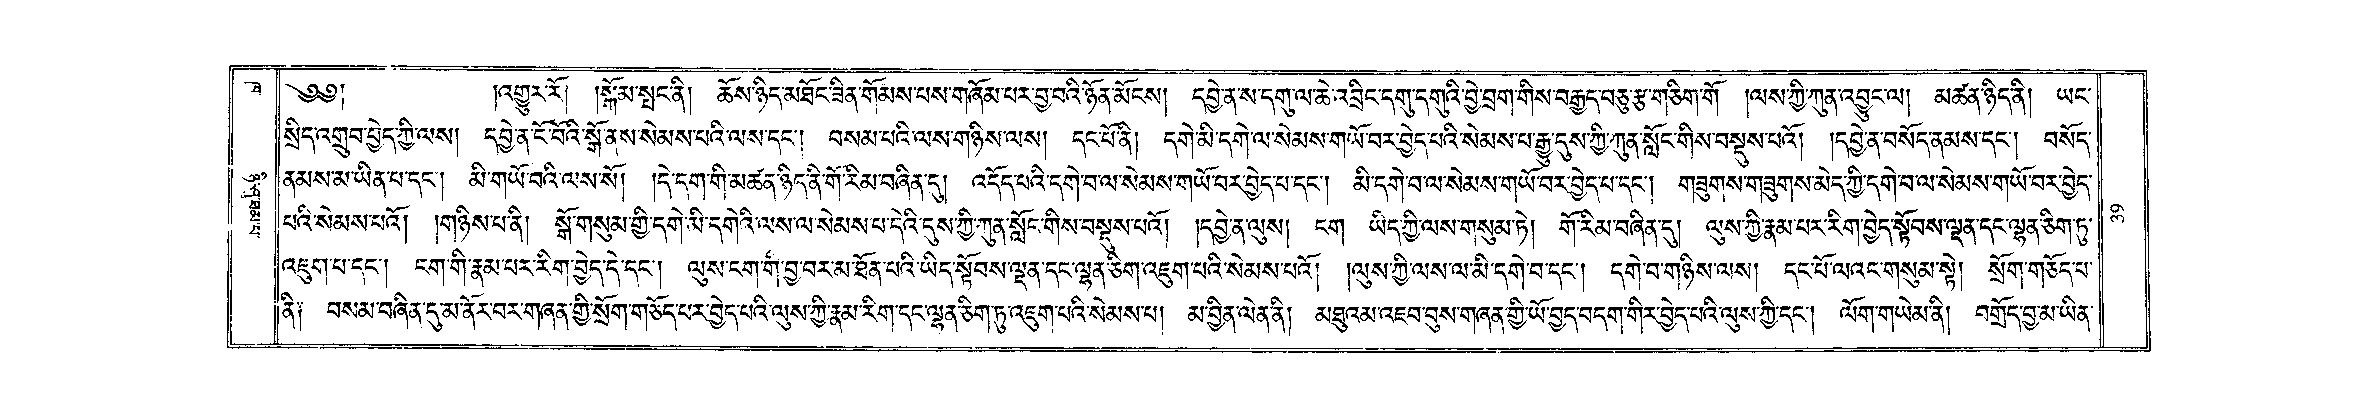༄༅། །འགྱུར་རོ། །སྒོམ་སྤང་ནི། ཆོས་ཉིད་མཐོང་ཟིན་གོམས་པས་གཞོམ་པར་བྱ་བའི་ཉོན་མོངས། དབྱེ་ན་ས་དགུ་ལ་ཆེ་འབྲིང་དགུ་དགུའི་བྱེ་བྲག་གིས་བརྒྱད་བཅུ་རྩ་གཅིག་གོ །ལས་ཀྱི་ཀུན་འབྱུང་ལ། མཚན་ཉིད་ནི། ཡང་
སྲིད་འགྲུབ་བྱེད་ཀྱི་ལས། དབྱེ་ན་ངོ་བོའི་སྒོ་ནས་སེམས་པའི་ལས་དང་། བསམ་པའི་ལས་གཉིས་ལས། དང་པོ་ནི། དགེ་མི་དགེ་ལ་སེམས་གཡོ་བར་བྱེད་པའི་སེམས་པ་རྒྱུ་དུས་ཀྱི་ཀུན་སློང་གིས་བསྡུས་པའོ། །དབྱེ་ན་བསོད་ནམས་དང་། བསོད་
ནམས་མ་ཡིན་པ་དང་། མི་གཡོ་བའི་ལས་སོ། །དེ་དག་གི་མཚན་ཉིད་ནི་གོ་རིམ་བཞིན་དུ། འདོད་པའི་དགེ་བ་ལ་སེམས་གཡོ་བར་བྱེད་པ་དང་། མི་དགེ་བ་ལ་སེམས་གཡོ་བར་བྱེད་པ་དང་། གཟུགས་གཟུགས་མེད་ཀྱི་དགེ་བ་ལ་སེམས་གཡོ་བར་བྱེད་
པའི་སེམས་པའོ། །གཉིས་པ་ནི། སྒོ་གསུམ་གྱི་དགེ་མི་དགེའི་ལས་ལ་སེམས་པ་དེའི་དུས་ཀྱི་ཀུན་སློང་གིས་བསྡུས་པའོ། །དབྱེ་ན་ལུས། ངག་ཡིད་ཀྱི་ལས་གསུམ་ཏེ། གོ་རིམ་བཞིན་དུ། ལུས་ཀྱི་རྣམ་པར་རིག་བྱེད་སྟོབས་ལྡན་དང་ལྷན་ཅིག་ཏུ་
འཇུག་པ་དང་། ངག་གི་རྣམ་པར་རིག་བྱེད་དེ་དང་། ལུས་ངག་གི་བྱ་བར་མ་ཐོན་པའི་ཡིད་སྟོབས་ལྡན་དང་ལྷན་ཅིག་འཇུག་པའི་སེམས་པའོ། །ལུས་ཀྱི་ལས་ལ་མི་དགེ་བ་དང་། དགེ་བ་གཉིས་ལས། དང་པོ་ལའང་གསུམ་སྟེ། སྲོག་གཅོད་པ་
ནི༑ བསམ་བཞིན་དུ་མ་ནོར་བར་གཞན་གྱི་སྲོག་གཅོད་པར་བྱེད་པའི་ལུས་ཀྱི་རྣམ་རིག་དང་ལྷན་ཅིག་ཏུ་འཇུག་པའི་སེམས་པ། མ་བྱིན་ལེན་ནི། མཐུའམ་འཇབ་བུས་གཞན་གྱི་ཡོ་བྱད་བདག་གིར་བྱེད་པའི་ལུས་ཀྱི་དང་། ལོག་གཡེམ་ནི། བགྲོད་བྱ་མ་ཡིན་